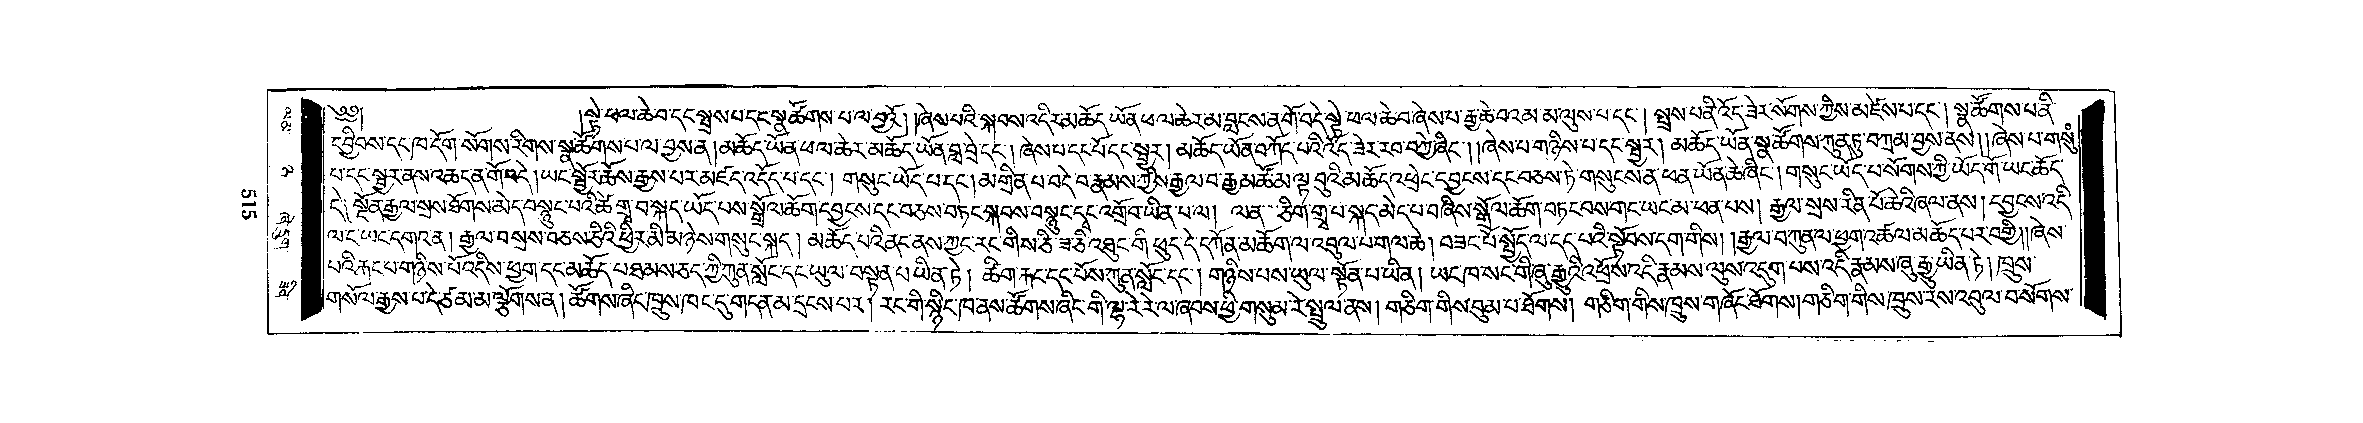༄༅། །སྟེ་ཕལ་ཆེ་བ་དང་སྤྲས་པ་དང་སྣ་ཚོགས་པ་ལ་བྱའོ། །ཞེས་པའི་སྐབས་འདིར་མཆོད་ཡོན་ཕལ་ཆེར་མ་བླངས་ན་གོ་བདེ་སྟེ་ཕལ་ཆེ་བ་ཞེས་པ་རྒྱ་ཆེ་བའམ་མ་ལུས་པ་དང་། སྤྲས་པ་ནི་འོད་ཟེར་སོགས་ཀྱིས་མཛེས་པ་དང་། སྣ་ཚོགས་པ་ནི་
དབྱིབས་དང་ཁ་དོག་སོགས་རིགས་སྣ་ཚོགས་པ་ལ་བྱས་ན། མཆོད་ཡོན་ཕལ་ཆེར་མཆོད་ཡོན་བླ་བྲེ་དང་། ཞེས་པ་དང་པོ་དང་སྦྱར། མཆོད་ཡོན་བཀོད་པའི་འོད་ཟེར་རབ་བཀྱེ་ཞིང་། །ཞེས་པ་གཉིས་པ་དང་སྦྱར། མཆོད་ཡོན་སྣ་ཚོགས་ཀུན་ཏུ་བཀྲམ་བྱས་ནས། །ཞེས་པ་གསུམ་
པ་དང་སྦྱར་ནས་འཆད་ན་གོ་བདེ། ཡང་སྦྱོར་ཆོས་རྒྱས་པར་མཛད་འདོད་པ་དང་། གསུང་ཡོད་པ་དང་། མགྲིན་པ་བདེ་བ་རྣམས་ཀྱིས་རྒྱལ་བ་རྒྱ་མཚོ་མ་ལྟ་བུའི་མཆོད་འཕྲེང་དབྱངས་དང་བཅས་ཏེ་གསུངས་ན་ཕན་ཡོན་ཆེ་ཞིང་། གསུང་ཡོད་པ་སོགས་ཀྱི་ཡོད་གོ་ཡང་ཆོད་
དེ། སྔོན་རྒྱལ་སྲས་ཐོགས་མེད་བསྙུང་པའི་ཚེ་གྲྭ་བ་སྐད་ཡོད་པས་སྒྲོལ་ཆོག་དབྱངས་དང་བཅས་བཏང་སྐབས་བསྙུང་དྭང་འགྲོ་བ་ཡིན་པ་ལ། ལན་ཅིག་གྲྭ་པ་སྐད་མེད་པ་བཞིས་སྒྲོལ་ཆོག་བཏང་བས་གང་ཡང་མ་ཕན་པས། རྒྱལ་སྲས་རིན་པོ་ཆེའི་ཞལ་ནས། དབྱངས་འདི་
ལ་ང་ཡང་དགའ་ན། རྒྱལ་བ་སྲས་བཅས་ཅིའི་ཕྱིར་མི་མཉེས་གསུང་སྐད། མཆོད་པའི་ནང་ནས་ཀྱང་རང་གིས་ཅི་ཟ་ཅི་འཐུང་གི་ཕུད་དེ་དཀོན་མཆོག་ལ་འབུལ་པ་གལ་ཆེ། བཟང་པོ་སྤྱོད་ལ་དད་པའི་སྟོབས་དག་གིས། །རྒྱལ་བ་ཀུན་ལ་ཕྱག་འཚལ་མཆོད་པར་བགྱི། །ཞེས་
པའི་རྐང་པ་གཉིས་པོ་འདིས་ཕྱག་དང་མཆོད་པ་ཐམས་ཅད་ཀྱི་ཀུན་སློང་དང་ཡུལ་བསྟན་པ་ཡིན་ཏེ། ཚིག་རྐང་དང་པོས་ཀུན་སློང་དང་། གཉིས་པས་ཡུལ་སྟོན་པ་ཡིན། ཡང་ཁ་སང་གི་ཞུ་རྒྱུའི་འཕྲོས་འདི་རྣམས་ལུས་འདུག་པས་འདི་རྣམས་ཞུ་རྒྱུ་ཡིན་ཏེ། ཁྲུས་
གསོལ་རྒྱས་པ་དེ་ཙམ་མ་ལྕོགས་ན། ཚོགས་ཞིང་ཁྲུས་ཁང་དུ་གདན་མ་དྲངས་པར། རང་གི་སྙིང་ཁ་ནས་ཚོགས་ཞིང་གི་ལྷ་རེ་རེ་ལ་ཞབས་ཕྱི་གསུམ་རེ་སྤྲུལ་ནས། གཅིག་གིས་བུམ་པ་ཐོགས། གཅིག་གིས་ཁྲུས་གཞོང་ཐོགས། གཅིག་གིས་ཁྲུས་རས་འབུལ་བ་སོགས་